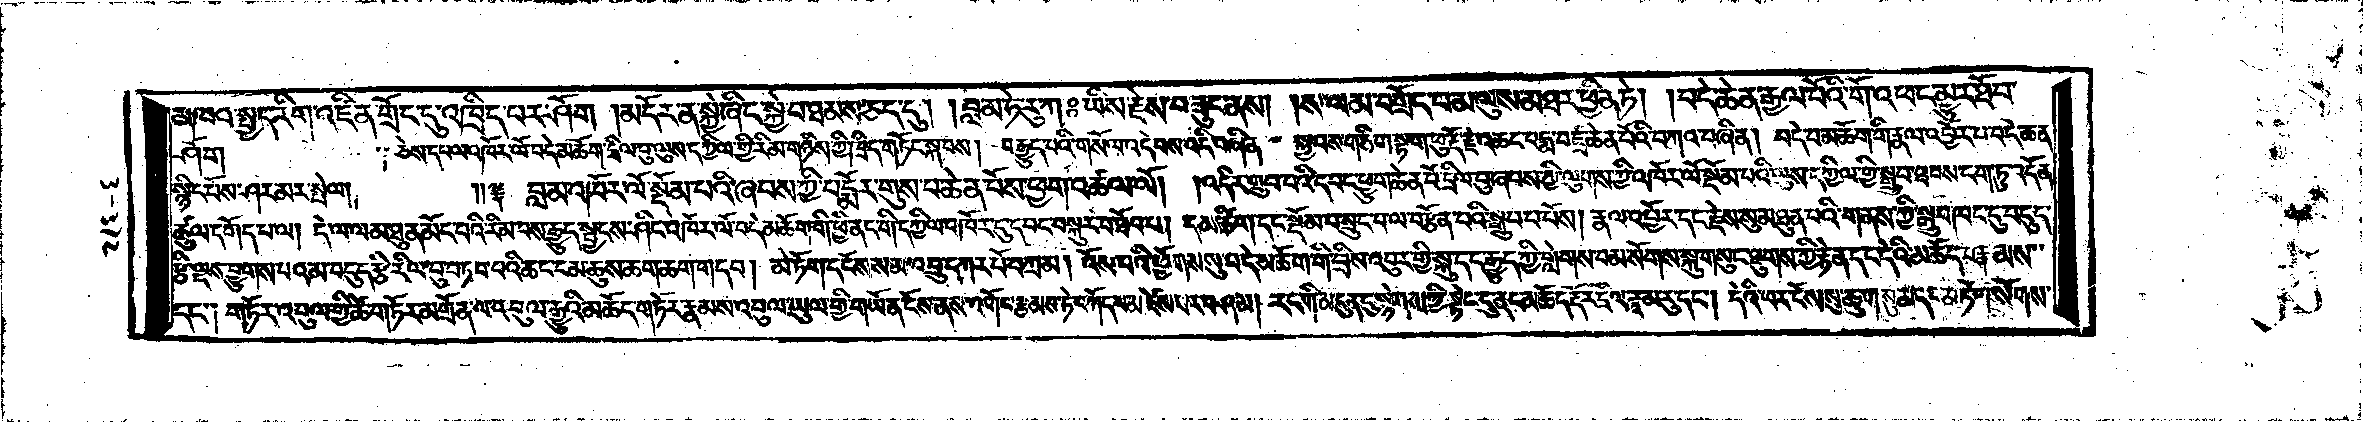མཁའ་སྤྱད་རིག་འཛིན་གྲོང་དུ་འཁྲིད་པར་ཤོག ། མདོར་ན་སྐྱེ་ཞིང་སྐྱེ་བ་ཐམས་ཅད་དུ། །བླ་མ་ཧེ་རུ་ཀཿ ཡིས་རྗེས་བཟུང་ནས། །ས་ལམ་བགྲོད་པ་མ་ལུས་མཐར་ཕྱིན་ཏེ། །བདེ་ཆེན་རྒྱལ་པོའི་གོ་འཕང་མྱུར་ཐོབ་
ཤོག ༑ཅེས་དཔལ་འཁོར་ལོ་བདེ་མཆོག་དྲིལ་བུ་ལུས་དཀྱིལ་གྱི་རིམ་གཉིས་ཀྱི་ཁྲིད་གཏོང་སྐབས། བརྒྱུད་པའི་གསོལ་འདེབས་འདི་བཞིན་སྐྱབས་གཅིག་སྟག་ལུ་རྡོ་རྗེ་འཆང་པདམ་བཛྲ་ཆེན་པོའི་བཀའ་བཞིན། བདེ་བ་མཆོག་གི་རྣལ་འབྱོར་པ་བདེ་ཆེན་
སྙིང་པོས་ཤར་མར་སྤེལ།། །།༈ བླ་མ་འཁོར་ལོ་སྡོམ་པའི་ཞབས་ཀྱི་པདམོར་གུས་པ་ཆེན་པོས་ཕྱག་འཚལ་ལོ། །འདིར་གྲུབ་པའི་དབང་ཕྱུག་ཆེན་པོ་དྲིལ་བུ་ཞབས་ཀྱི་ལུགས་ཀྱི་འཁོར་ལོ་སྡོམ་པའི་ལུས་དཀྱིལ་གྱི་སྒྲུབ་ཐབས་ངག་ཏུ་འདོན་
ཚུལ་དགོད་པ་ལ། དེ་ལ་ལམ་ཐུན་མོང་པའི་རིམ་པས་རྒྱུད་སྦྱངས་ཤིང་འཁོར་ལོ་བདེ་མཆོག་གི་ཕྱི་ནང་གི་དཀྱིལ་འཁོར་དུ་དབང་བསྐུར་བ་ཐོབ་པ། དམ་ཚིག་དང་སྡོམ་པ་སྲུང་པ་ལ་བརྩོན་པའི་སྒྲུབ་པ་པོས། རྣལ་འབྱོར་དང་རྗེས་སུ་མཐུན་པའི་གནས་ཀྱི་སྒྲུབ་ཁང་དུ་བདུད་
རྩི་ལྡས་བྱུགས་པའམ་བདུད་རྩི་རིལ་བུ་བཏབ་པའི་ཆང་ངམ་ཆུས་ཆག་ཆག་གདབ། མེ་ཏོག་དངོས་སམ་འབྲུ་དཀར་པོ་བཀྲམ། འོས་པའི་ཕྱོགས་སུ་བདེ་མཆོག་གི་བྲིས་འབུར་གྱི་སྐུ་དང་རྒྱུད་ཀྱི་གླེགས་བམ་སོགས་སྐུ་གསུངས་ཐུགས་ཀྱི་རྟེན་དང་དེའི་མཆོད་པ་རྣམས་
དང༑ གཏོར་འབུལ་གྱི་ཚེ་གཏོར་མགྲོན་ལ་འབུལ་རྒྱུའི་མཆོད་གཏོར་རྣམས་འབུལ་ཡུལ་གྱི་གཡོན་ངོས་ནས་འགོང་རྩམས་ཏེ་བཀོད་པ་མཛེས་པར་བཤམ། རང་གི་མདུན་དུ་སྙེགས་ཀྱི་སྟེང་དུ་ནང་མཆོད་རྡོར་དྲིལ་ཌཱ་མ་རུ་དང་། དེའི་ཕར་ངོས་སུ་ཆུ་གསུམ་མེ་ཏོག་སོགས་